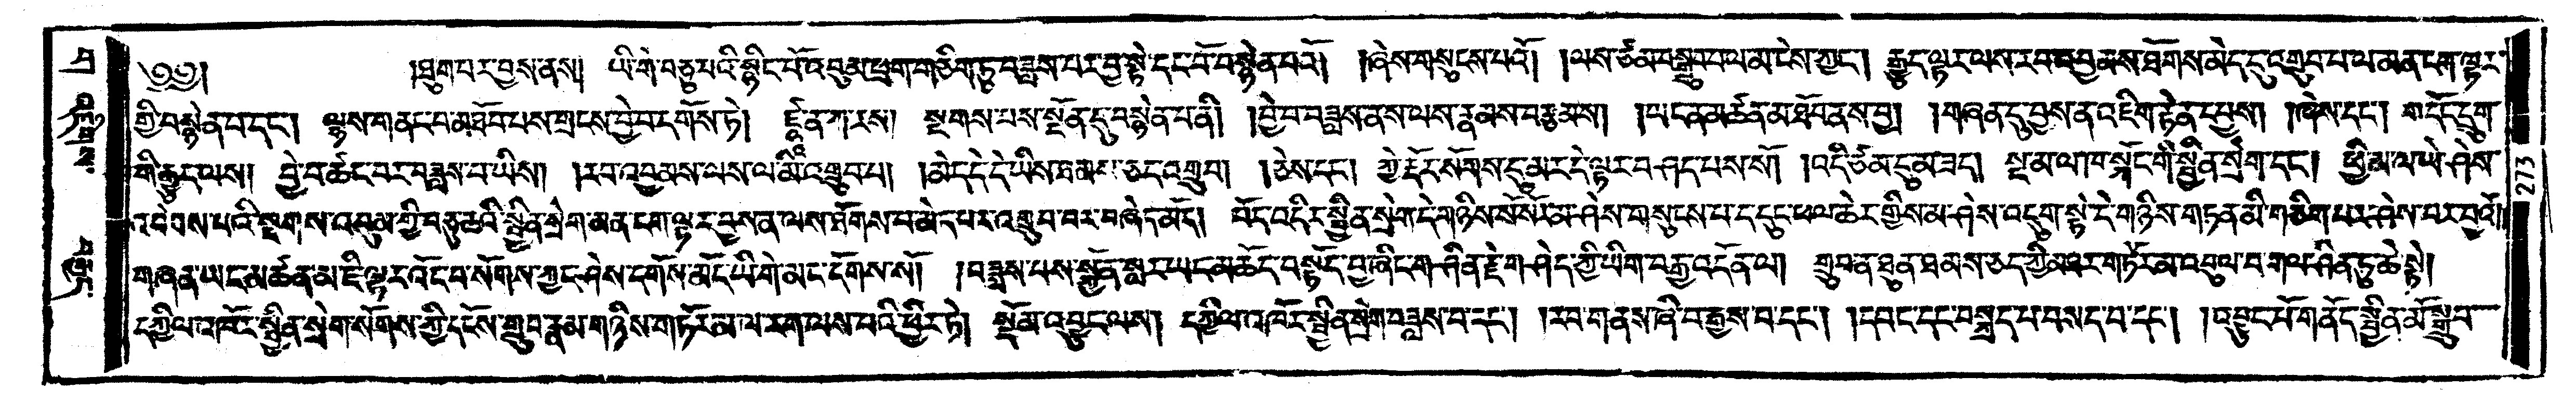༄༅། །ཐུག་པར་བྱས་ནས། ཡི་གེ་བཅུ་པའི་སྙིང་པོ་འབུམ་ཕྲག་གཅིག་ཏུ་བཟླས་པར་བྱ་སྟེ་དང་པོ་བསྙེན་པའོ། །ཞེས་གསུངས་པའོ། །ལས་ཙམ་བསྒྲུབ་པ་ལ་མ་ངེས་ཀྱང་། རྒྱུད་ལྟར་ལས་རབ་འབྱམས་ཐོགས་མེད་དུ་འགྲུབ་པ་ལ་མན་ངག་ལྟར་
གྱི་བསྙེན་པ་དང་། ལྷས་གནང་བ་མཐོབ་པས་གྲངས་བྱེ་བ་དགོས་ཏེ། ཛྙཱ་ན་ཀ་རས། སྔགས་པས་སྔོན་དུ་བསྙེན་པ་ནི། །བྱེ་བ་བཟླས་ནས་ལས་རྣམས་བརྩམས། །ཡང་ན་མཚན་མ་ཐོབ་ནས་བྱ། །གཞན་དུ་བྱས་ནས་འཇིག་རྟེན་དཔྱས། །ཞེས་དང་། གདོང་དྲུག་
གི་རྒྱུད་ལས། བྱེ་བ་ཚང་བར་བཟླས་པ་ཡིས། །རབ་འབྱམས་ལས་ལ་མི་འགྲུབ་པ། །མེད་དེ་དེ་ཡིས་ཐམས་ཅད་འགྲུབ། །ཅེས་དང་། ཀྱེ་རྡོར་སོགས་དུ་མར་དེ་ལྟར་བཤད་པས་སོ། །འདི་ཙམ་དུ་མ་ཟད། སྔ་མ་ལ་ཁ་སྐོང་གི་སྦྱིན་སྲེག་དང་། ཕྱི་མ་ལ་ཡེ་ཤེས་
འབེབས་པའི་སྔགས་འབུམ་གྱི་བཅུ་ཆའི་སྦྱིན་སྲེག་མན་ངག་ལྟར་བྱས་ན་ལས་ཐོགས་པ་མེད་པར་འགྲུབ་པར་བཞེད་མོད། པོད་འདིར་སྦྱིན་སྲེག་དེ་གཉིས་སོ་སོར་མ་ཤེས་གསུངས་པ་ད་དུང་ཕལ་ཆེར་གྱིས་མ་ཤེས་འདུག་སྟེ་དེ་གཉིས་གཏན་མི་གཅིག་པར་ཤེས་པར་བྱའོ།།
གཞན་ཡང་མཚན་མ་ཇི་ལྟར་འོང་བ་སོགས་ཀྱང་ཤེས་དགོས་མོད་ཡི་གེ་མང་དོགས་སོ། །བཟླས་པས་སྐྱོན་སླར་ཡང་མཆོད་བསྟོད་བྱ་ཞིང་གཤིན་རྗེ་གཤེད་ཀྱི་ཡིག་བརྒྱ་འདོན་ལ། གྲུབ་ན་ཐུན་ཐམས་ཅད་ཀྱི་མཐར་གཏོར་མ་འབུལ་བ་གལ་ཤིན་ཏུ་ཆེ་སྟེ།
དཀྱིལ་འཁོར་སྦྱིན་སྲེག་སོགས་ཀྱི་དངོས་གྲུབ་རྣམ་གཉིས་གཏོར་མ་ལ་རག་ལས་པའི་ཕྱིར་ཏེ། སྡོམ་འབྱུང་ལས། དཀྱིལ་འཁོར་སྦྱིན་སྲེག་བཟླས་བ་དང་། །རབ་གནས་ཞི་བ་རྒྱས་བ་དང་། །དབང་དང་བསྐྲད་པ་བསད་པ་དང་། །འབྱུང་པོ་གནོད་སྦྱིན་མོ་སྒྲུབ་